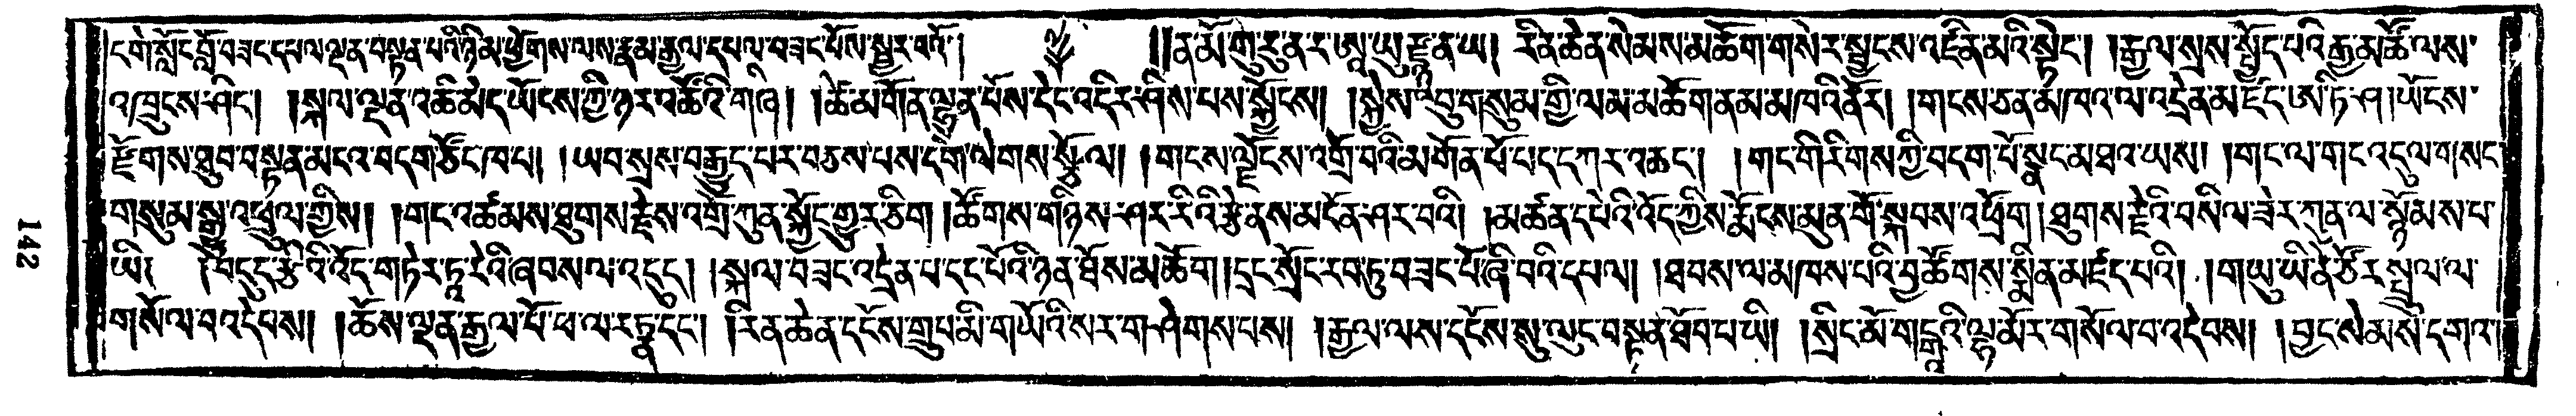དགེ་སློང་བློ་བཟང་དཔལ་ལྡན་བསྟན་པའི་ཉི་མ་ཕྱོགས་ལས་རྣམ་རྒྱལ་དཔལ་བཟང་པོས་སྦྱར་བའོ། ༈ །།ན་མོ་གུ་རུ་ན་ར་ཨཱ་ཡུརྫྙ་ན་ཡ། རིན་ཆེན་སེམས་མཆོག་གསེར་སྦྱངས་འཛིན་མའི་སྟེང་། །རྒྱལ་སྲས་སྤྱོད་པའི་རྒྱ་མཚོ་ལས་
འཁྲུངས་ཤིང་། །སྐལ་ལྡན་འཆི་མེད་ཡོངས་ཀྱི་ཉར་འཚོའི་གཞི། །ཚེ་མགོན་ལྷྲན་པོས་དེང་འདིར་ཤིས་པས་སྐྱོངས། །སྐྱེས་བུ་གསུམ་གྱི་ལམ་མཆོག་ནམ་མཁའི་ནོར། །གངས་ཅན་མཁའ་ལ་འདྲེན་མཛད་ཨ་ཏི་ཤ་།ཡོངས་
རྫོགས་ཐུབ་བསྟན་མངའ་བདག་ཙོང་ཁ་པ། །ཡབ་སྲས་བརྒྱུད་པར་བཅས་པས་དགེ་ལེགས་སྩོལ། །གངས་ལྗོངས་འགྲོ་བའི་མགོན་པོ་པད་དཀར་འཆང་། །གང་གི་རིགས་ཀྱི་བདག་པོ་སྣང་མཐའ་ཡས། །གང་ལ་གང་འདུལ་གསང་
གསུམ་སྒྱུ་འཕྲུལ་གྱིས། །གང་འཚམས་ཐུགས་རྗེས་འགྲོ་ཀུན་སྐྱོང་གྱུར་ཅིག །ཚོགས་གཉིས་ཤར་རིའི་རྩེ་ནས་མངོན་ཤར་བའི། །མཚན་དཔེའི་འོད་ཀྱིས་རྨོངས་མུན་གོ་སྐབས་འཕྲོག །ཐུགས་རྗེའི་བསིལ་ཟེར་ཀུན་ལ་སྙོམས་པ་
ཡི༑ ༑བདུད་རྩིའི་འོད་གཏེར་ཏཱ་རེའི་ཞབས་ལ་འདུད། །སྐལ་བཟང་འདྲེན་པ་དང་པོའི་ཉན་ཐོས་མཆོག །དྲང་སྲོང་རབ་ཏུ་བཟང་པོ་ཞི་བའི་དཔལ། །ཐབས་ལ་མཁས་པའི་བྱ་ཚོགས་སྨིན་མཛད་པའི། །གཡུ་ཡི་ནེ་ཙོར་སྤྲུལ་ལ་
གསོལ་བ་འདེབས། །ཆོས་ལྡན་རྒྱལ་པོ་ཕ་ལ་རཏྣ་དང་། །རིན་ཆེན་དངོས་གྲུབ་མི་གཡོའི་སར་གཤེགས་པས། །རྒྱལ་ལས་དངོས་སུ་ལུང་བསྟན་ཐོབ་པ་ཡི། །སྲིང་མོ་གངྒཱའི་ལྷ་མོར་གསོལ་བ་འདེབས། །བྱང་སེམས་དགའ་